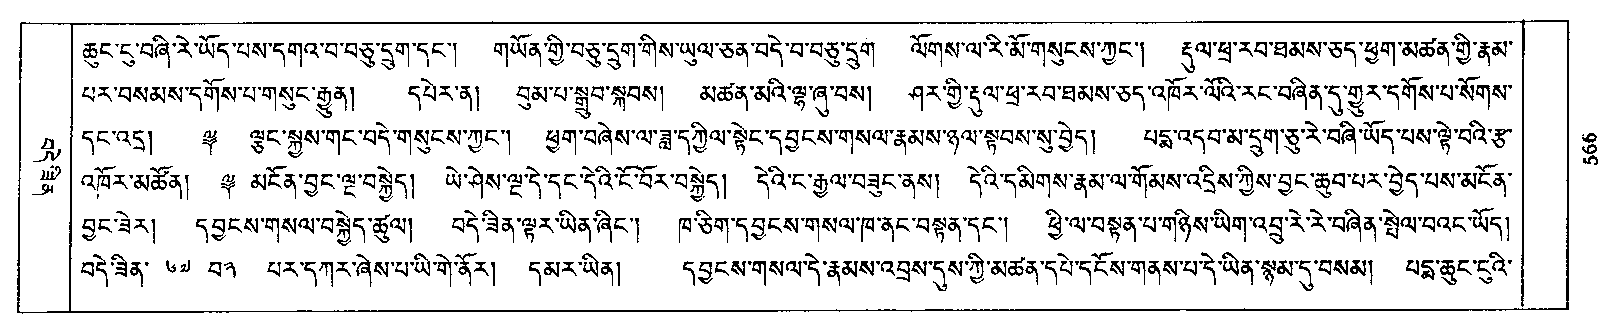ཆུང་ངུ་བཞི་རེ་ཡོད་པས་དགའ་བ་བཅུ་དྲུག་དང་། གཡོན་གྱི་བཅུ་དྲུག་གིས་ཡུལ་ཅན་བདེ་བ་བཅུ་དྲུག་ལོགས་ལ་རི་མོ་གསུངས་ཀྱང་། རྡུལ་ཕྲ་རབ་ཐམས་ཅད་ཕྱག་མཚན་གྱི་རྣམ་
པར་བསམས་དགོས་པ་གསུང་རྒྱུན། དཔེར་ན། བུམ་པ་སྒྲུབ་སྐབས། མཚན་མའི་ལྷ་ཞུ་བས། ཤར་གྱི་རྡུལ་ཕྲ་རབ་ཐམས་ཅད་འཁོར་ལོའི་རང་བཞིན་དུ་གྱུར་དགོས་པ་སོགས་
དང་འདྲ། ༈ ལྕང་སྐྱས་གང་བདེ་གསུངས་ཀྱང་། ཕྱག་བཞེས་ལ་ཟླ་དཀྱིལ་སྟེང་དབྱངས་གསལ་རྣམས་ཉལ་སྟབས་སུ་བྱེད། པདམ་འདབ་མ་དྲུག་ཅུ་རེ་བཞི་ཡོད་པས་ལྟེ་བའི་རྩ་
འཁོར་མཚོན། ༈ མངོན་བྱང་ལྔ་བསྐྱེད། ཡེ་ཤེས་ལྔ་དེ་དང་དེའི་ངོ་བོར་བསྐྱེད། དེའི་ང་རྒྱལ་བཟུང་ནས། དེའི་དམིགས་རྣམ་ལ་གོམས་འདྲིས་ཀྱིས་བྱང་ཆུབ་པར་བྱེད་པས་མངོན་
བྱང་ཟེར། དབྱངས་གསལ་བསྐྱེད་ཚུལ། བདེ་ཟིན་ལྟར་ཡིན་ཞིང་། ཁ་ཅིག་དབྱངས་གསལ་ཁ་ནང་བསྟན་དང་། ཕྱི་ལ་བསྟན་པ་གཉིས་ཡིག་འབྲུ་རེ་རེ་བཞིན་སྤེལ་བའང་ཡོད།
བདེ་ཟིན ༦༧་བ ༢་པར་དཀར་ཞེས་པ་ཡི་གེ་ནོར། དམར་ཡིན། དབྱངས་གསལ་དེ་རྣམས་འབྲས་དུས་ཀྱི་མཚན་དཔེ་དངོས་གནས་པ་དེ་ཡིན་སྙམ་དུ་བསམ། པདམ་ཆུང་ངུའི་